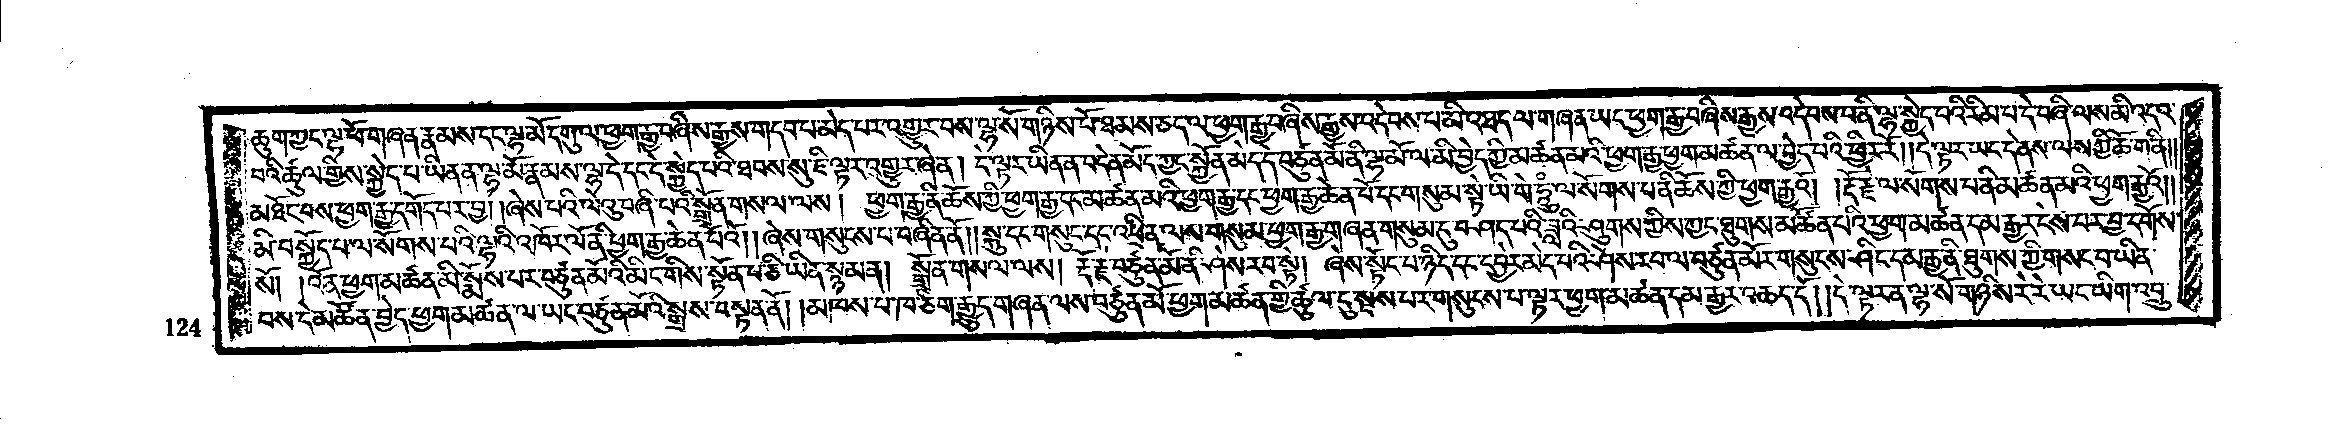ཆུག་ཀྱང་ལྷ་ཕོ་གཞན་རྣམས་དང་ལྷ་མོ་དགུ་ལ་ཕྱག་རྒྱ་བཞིས་རྒྱས་གདབ་པ་མེད་པར་འགྱུར་བས་ལྷ་སོ་གཉིས་པོ་ཐམས་ཅད་ལ་ཕྱག་རྒྱ་བཞིས་རྒྱས་འདེབས་པ་མི་འཐད་ལ་གཞན་ཡང་ཕྱག་རྒྱ་བཞིས་རྒྱས་འདེབས་པ་ནི་ལྷ་སྐྱེད་པའི་རིམ་པ་དེ་བཞི་ལས་མི་འདའ་
བའི་ཚུལ་གྱིས་སྐྱེད་པ་ཡིན་ན་ལྷ་མོ་རྣམས་ལྷ་དེ་དང་དེ་སྐྱེད་པའི་ཐབས་སུ་ཇི་ལྟར་འགྱུར་ཞེ་ན། དེ་ལྟར་ཡིན་ན་བདེན་མོད་ཀྱང་སྐྱོན་མེད་དེ་བཙུན་མོ་ནི་ལྷ་མོ་ལ་མི་བྱེད་ཀྱི་མཚན་མའི་ཕྱག་རྒྱ་ཕྱག་མཚན་ལ་བྱེད་པའི་ཕྱིར་རོ། །དེ་ལྟར་ཡང་དེ་ནས་ལས་ཀྱི་ཆོ་ག་ནི། །
མཐོང་བས་ཕྱག་རྒྱ་དགོད་པར་བྱ། །ཞེས་པའི་ལེའུ་བཞི་པའི་སྒྲོན་གསལ་ལས། ཕྱག་རྒྱ་ནི་ཆོས་ཀྱི་ཕྱག་རྒྱ་དང་མཚན་མའི་ཕྱག་རྒྱ་དང་ཕྱག་རྒྱ་ཆེན་པོ་དང་གསུམ་སྟེ་ཡི་གེ་ཧཱུཾ་ལ་སོགས་པ་ནི་ཆོས་ཀྱི་ཕྱག་རྒྱའོ། །རྡོ་རྗེ་ལ་སོགས་པ་ནི་མཚན་མའི་ཕྱག་རྒྱའོ། །
མི་བསྐྱོད་པ་ལ་སོགས་པའི་ལྷའི་འཁོར་ལོ་ནི་ཕྱག་རྒྱ་ཆེན་པོའོ། །ཞེས་གསུངས་པ་བཞིན་ནོ། །སྐུ་དང་གསུང་དང་འཕྲིན་ལས་གསུམ་ཕྱག་རྒྱ་གཞན་གསུམ་དུ་བཤད་པའི་ཟླའི་ཤུགས་ཀྱིས་ཀྱང་ཐུགས་མཚོན་པའི་ཕྱག་མཚན་དམ་རྒྱར་ངེས་པར་བྱ་དགོས་
སོ། །འོ་ན་ཕྱག་མཚན་མི་སྨོས་པར་བཙུན་མོའི་མིང་གིས་སྟོན་པ་ཅི་ཡིན་སྙམ་ན། སྒྲོན་གསལ་ལས། རྡོ་རྗེ་བཙུན་མོ་ནི་ཤེས་རབ་སྟེ། ཞེས་སྟོང་པ་ཉིད་དང་དབྱེར་མེད་པའི་ཤེས་རབ་ལ་བཙུན་མོར་གསུངས་ཤིང་དམ་རྒྱ་ནི་ཐུགས་ཀྱི་གསང་བ་ཡིན་
བས་ངེ་མཚོན་བྱེད་ཕྱག་མཚན་ལ་ཡང་བཙུན་མོའི་སྒྲས་བསྟན་ནོ། །མཁས་པ་ཁ་ཅིག་རྒྱུད་གཞན་ལས་བཙུན་མོ་ཕྱག་མཚན་གྱི་ཚུལ་དུ་སྔས་པར་གསུངས་པ་ལྟར་ཕྱག་མཚན་དམ་རྒྱར་འཆད་དོ། །དེ་ལྟར་ན་ལྷ་སོ་གཉིས་རེ་རེ་ཡང་ཡིག་འབྲུ་